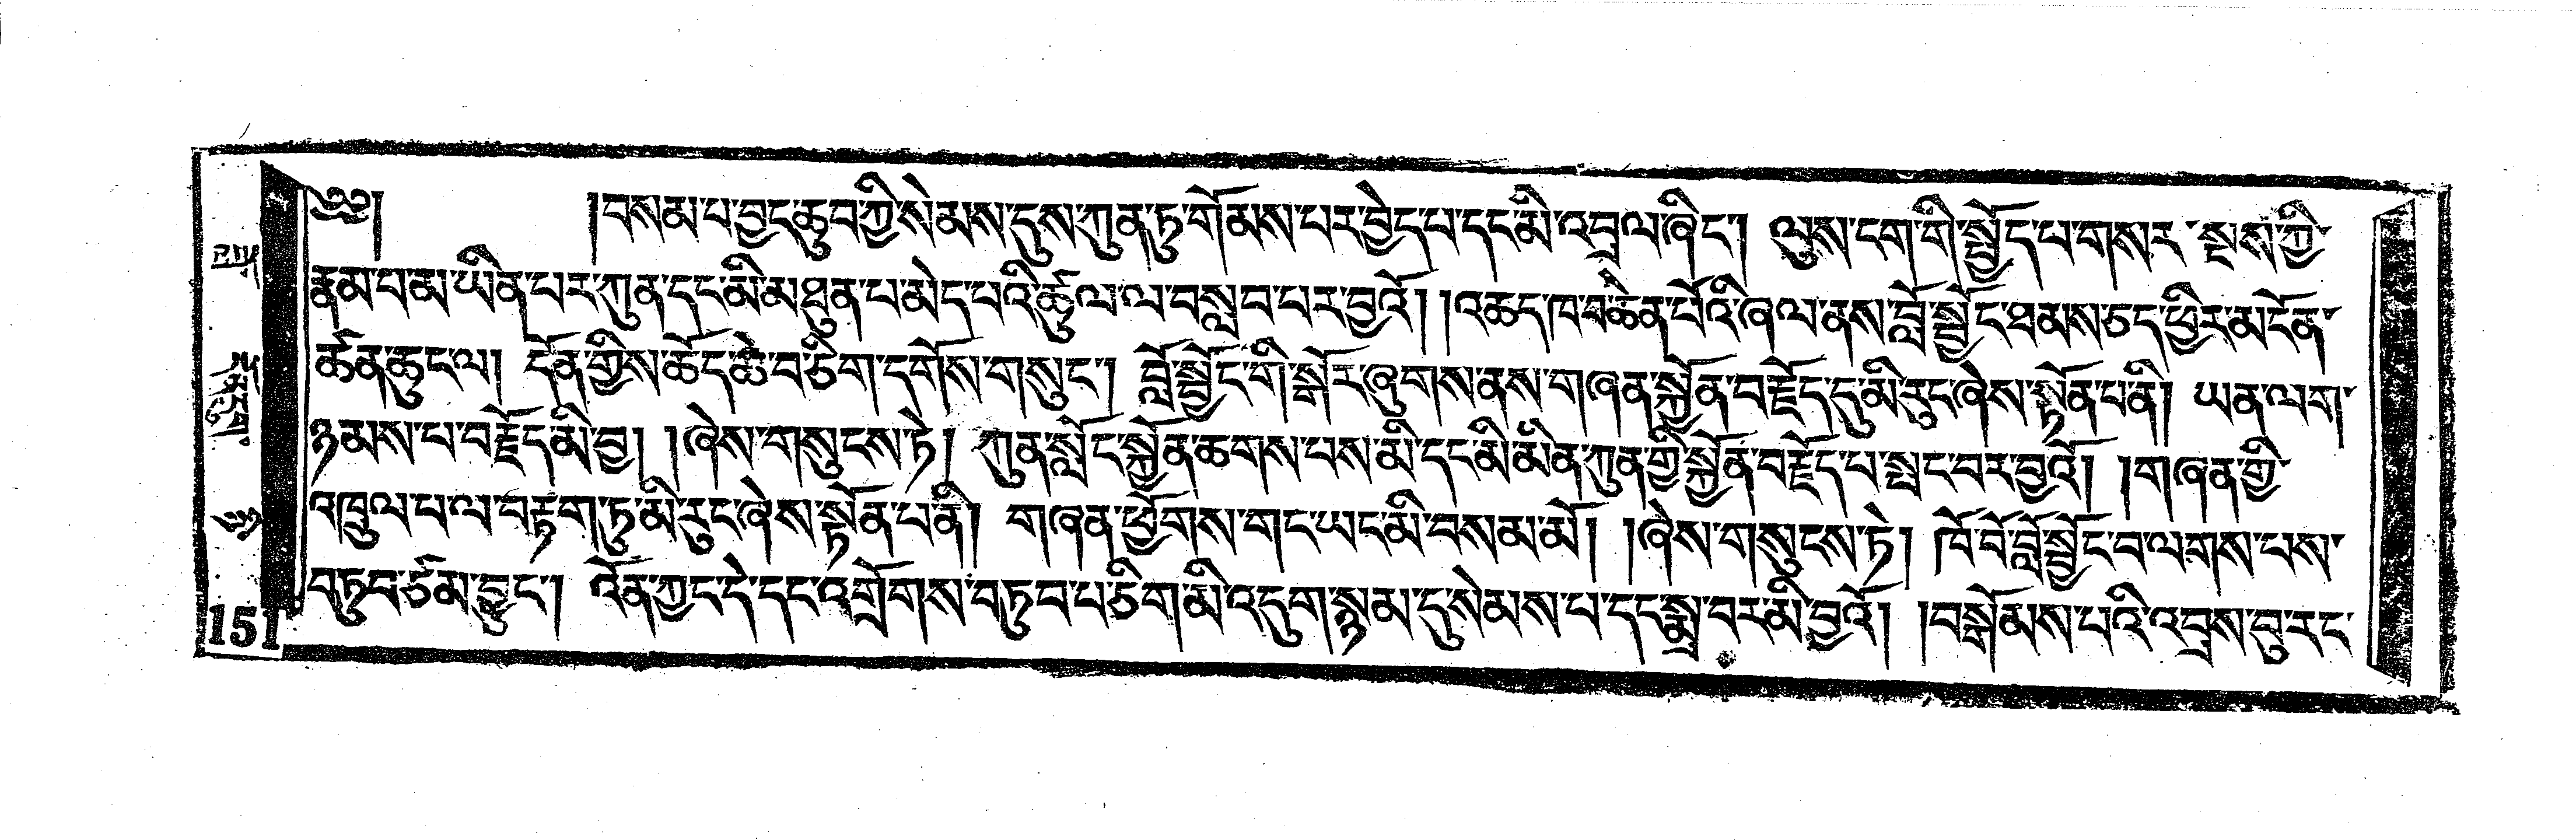༄༅། །བསམ་པ་བྱང་ཆུབ་ཀྱི་སེམས་དུས་ཀུན་ཏུ་གོམས་པར་བྱེད་པ་དང་མི་འབྲལ་ཞིང་། ལུས་ངག་གི་སྤྱོད་པ་གསར་སྔས་ཀྱི་
རྣམ་པ་མ་ཡིན་པར་ཀུན་དང་མི་མཐུན་པ་མེད་པའི་ཚུལ་ལ་བསླབ་པར་བྱའོ། །འཆད་ཁ་བ་ཆེན་པོའི་ཞལ་ནས་བློ་སྦྱོང་ཐམས་ཅད་ཕྱིར་མངོན་
ཚན་ཆུང་ལ། དོན་གྱིས་ཆོད་ཆེ་བ་ཅིག་དགོས་གསུང་། བློ་སྦྱོང་གི་སྒོར་ཞུགས་ནས་གཞན་སྐྱོན་བརྗོད་དུ་མི་རུང་ཞེས་སྟོན་པ་ནི། ཡན་ལག་
ཉམས་པ་བརྗོད་མི་བྱ། །ཞེས་གསུངས་ཏེ། ཀུན་སློང་སྐྱོན་ཆགས་པས་མི་དང་མི་མིན་ཀུན་གྱི་སྐྱོན་བརྗོད་པ་སྤང་བར་བྱའོ། །གཞན་གྱི་
འཁྲུལ་པ་ལ་བརྟག་ཏུ་མི་རུང་ཞེས་སྟོན་པ་ནི། གཞན་ཕྱོགས་གང་ཡང་མི་བསམ་མོ། །ཞེས་གསུངས་ཏེ། ཁོ་བོ་བློ་སྦྱོང་བ་ལགས་པས་
བཏུབ་ཙམ་བྱུང་། འོན་ཀྱང་དེ་དང་འགྲོགས་བཏུབ་པ་ཅིག་མི་འདུག་སྙམ་དུ་སེམས་པ་དང་སྨྲ་བར་མི་བྱའོ། །བསྒོམས་པའི་འབྲས་བུ་རང་